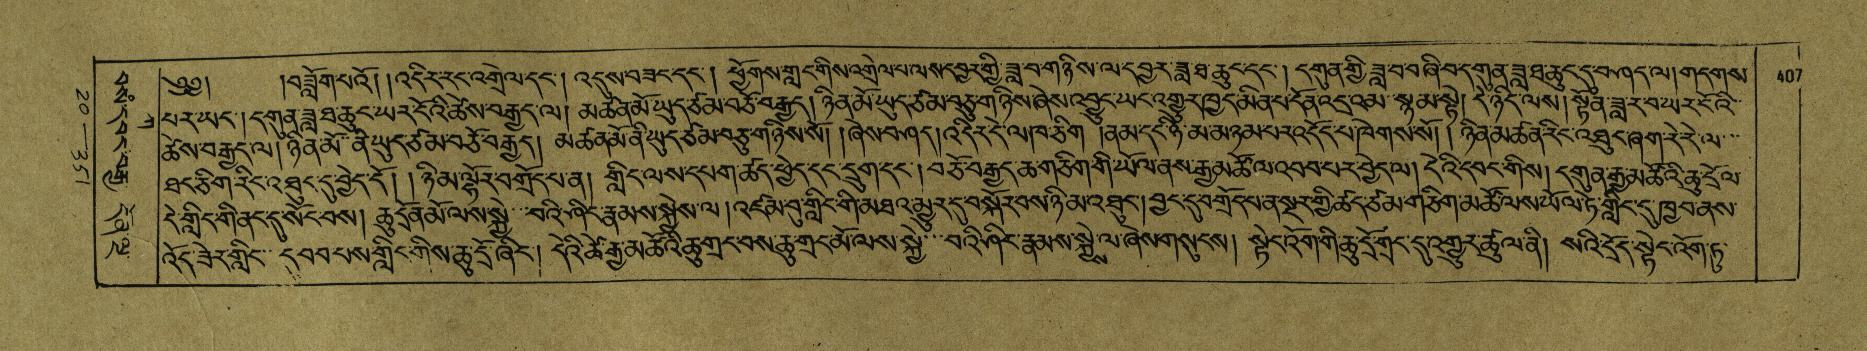༄༅། །བཟློག་པའོ། །འདིར་རང་འགྲེལ་དང་། འདུས་བཟང་དང་། ཕྱོགས་གླང་གིས་འགྲེལ་པ་ལས་དབྱར་གྱི་ཟླ་བ་གཉིས་ལ་དབྱར་ཟླ་ཐ་ཆུང་དང་། དགུན་གྱི་ཟླ་བ་བཞི་བ་དགུན་ཟླ་ཐ་ཆུང་དུ་བཤད་ལ། གདགས་
པར་ཡང་། དགུན་ཟླ་ཐ་ཆུང་ཡར་ངོའི་ཚེས་བརྒྱད་ལ། མཚན་མོ་ཡུད་ཙམ་བཅོ་བརྒྱད། ཉིན་མོ་ཡུད་ཙམ་བཅུ་གཉིས་ཞེས་འབྱུང་ཡང་འགྱུར་ཁྱད་མིན་པ་དོན་འདྲ་འམ་སྙམ་སྟེ། དེ་ཉིད་ལས། སྟོན་ཟླར་བ་ཡར་ངོའི་
ཚེས་བརྒྱད་ལ། ཉིན་མོ་ནི་ཡུད་ཙམ་བཅོ་བརྒྱད། མཚན་མོ་ནི་ཡུད་ཙམ་བཅུ་གཉིས་སོ། །ཞེས་བཤད། འདིར་དེ་ལ་ཁ་ཅིག །ནམ་དང་ཉི་མ་མཉམ་པར་འདོད་པ་ཁེགས་སོ། །ཉིན་མཚན་རིང་འཐུང་ཞག་རེ་རེ་ལ་
ཐང་ཅིག་རིང་འཐུང་དུ་བྱེད་དོ། །ཉི་མ་ལྷོར་བགྲོད་པ་ན། གླིང་ལས་དཔག་ཚད་ཕྱེད་དང་དྲུག་དང་། བཅོ་བརྒྱད་ཆ་གཅིག་གི་ཡོལ་ནས་རྒྱ་མཚོ་ལ་འབབ་པར་བྱེད་ལ། དེའི་དབང་གིས། དགུན་རྒྱ་མཚོའི་ཆུ་དྲོ་ལ་
དེ་གླིང་གི་ནང་དུ་སོང་བས། ཆུ་དྲོན་མོ་ལས་སྐྱེ་བའི་ཤིང་རྣམས་སྐྱེས་ལ། འཛམ་བུ་གླིང་གི་མཐའ་མྱུར་དུ་བསྐོར་བས་ཉི་མ་འཐུང་། བྱང་དུ་བགྲོད་པ་ན་སྔར་གྱི་ཚད་ཙམ་གཅིག་མཚོ་ལས་ཡོལ་ཏེ་གླིང་དུ་ཁྱབ་ནས་
འོད་ཟེར་གླིང་དུ་བབ་པས་གླིང་གིས་ཆུ་དྲོ་ཞིང་། དེའི་ཚེ་རྒྱ་མཚོའི་ཆུ་གྲང་བས་ཆུ་གྲང་མོ་ལས་སྐྱེ་བའི་ཤིང་རྣམས་སྐྱེས་ལ་ཞེས་གསུངས། སྟེང་འོག་གི་ཆུ་དྲོ་གྲང་དུ་འགྱུར་ཚུལ་ནི། སའི་དྲོད་སྟེང་འོག་ཏུ་